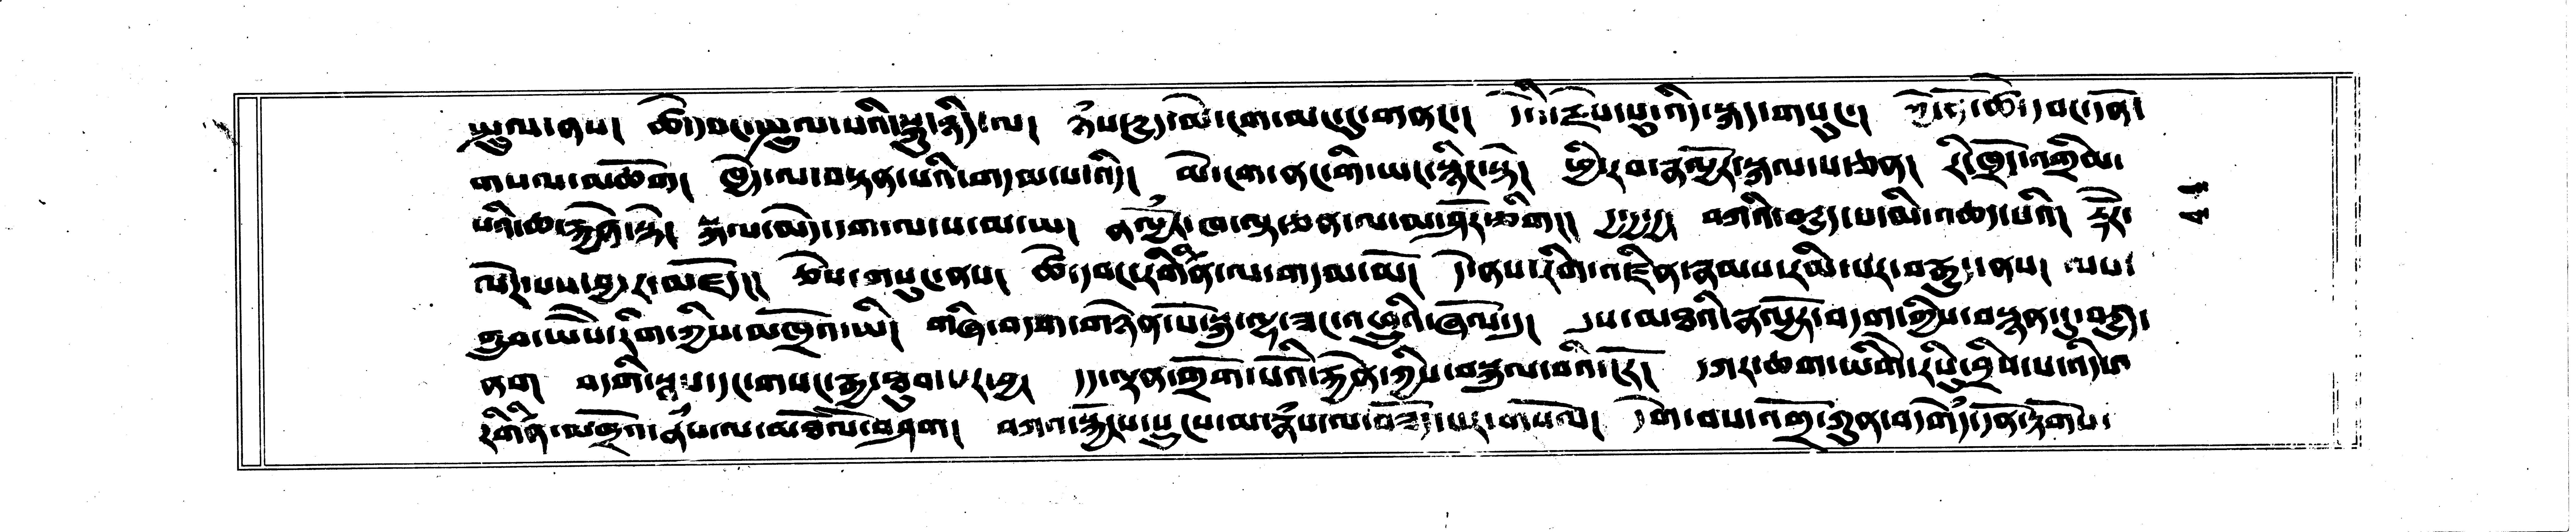སྤྲུལ་ནས། ཚེ་དབང་སྤྲུལ་པའི་སྐུ་ཉིད་ལ། ཉམས་རྒྱུད་མན་ངག་མང་དུ་གནང་། དེའི་རྗེས་སུ་འདི་སྐད་གསུངས། ཀྱེ་ཧོ་ཚེ་དབང་དོན་
གསལ་མཆོག ཁྱེད་ལ་བསྟན་པའི་གདམས་པ་འདི། མན་ངག་ནང་གི་ཡང་སྙིང་སྟེ། ཕྱི་རབས་རྣལ་འབྱོར་སྐལ་པ་ཅན། རི་ཁྲོད་འགྲིམས་
པའི་ཆ་རྐྱེན་ཏེ། སྐལ་མེད་དག་ལ་ས་མ་ཡ། རྣལ་འབྱོར་ཁ་ལྟ་ཅན་ལ་མ་ཤོར་ཅིག རྒྱ་རྒྱ་རྒྱ། བཀའ་ཡི་བརྒྱུད་པ་མི་འཆད་པའི། རྡོ་རྗེ་
ལེགས་པས་བྱ་ར་མཛོད། །ཅེས་གསུངས་ནས་ཚེ་དབང་རིག་འཛིན་ལ་གདམས་མོ། དེ་ནས་རིག་འཛིན་རྣམས་རིམ་པར་བརྒྱུད་ནས། ལས་
གྲུབ་ཡེ་ཤེས་རིགས་ཀྱི་མཁའ་འགྲོ་ཡི། གཞི་བདག་གཉེན་པོ་སྐུ་ལྷ་ཟངས་འཕྲུའི་ཞོལ་དུ། དུས་མཐའི་རྣལ་འབྱོར་བདག་གི་སྙན་དུ་བརྒྱུད་
ནས། བདག་གི་སྦས་དང་གསང་རྒྱ་ཐུབ་པར་བྱ། དད་ལྡན་གྲོགས་པོའི་རྐྱེན་གྱིས་བསྐུལ་བའི་ངོར། དཀར་ཆག་ཡི་གེ་རིས་སུ་བྲིས་པ་འདི། 
རིག་འཛིན་མཁའ་འགྲོ་རྣམས་ལ་མཐོལ་ལོ་བཤགས། བཀའ་སྐྱོང་སྲུང་མ་རྣམས་ལ་བཟོད་པར་གསོལ། དགེ་བས་འགྲོ་ཀུན་བདག་མེད་དོན་རྟོགས་